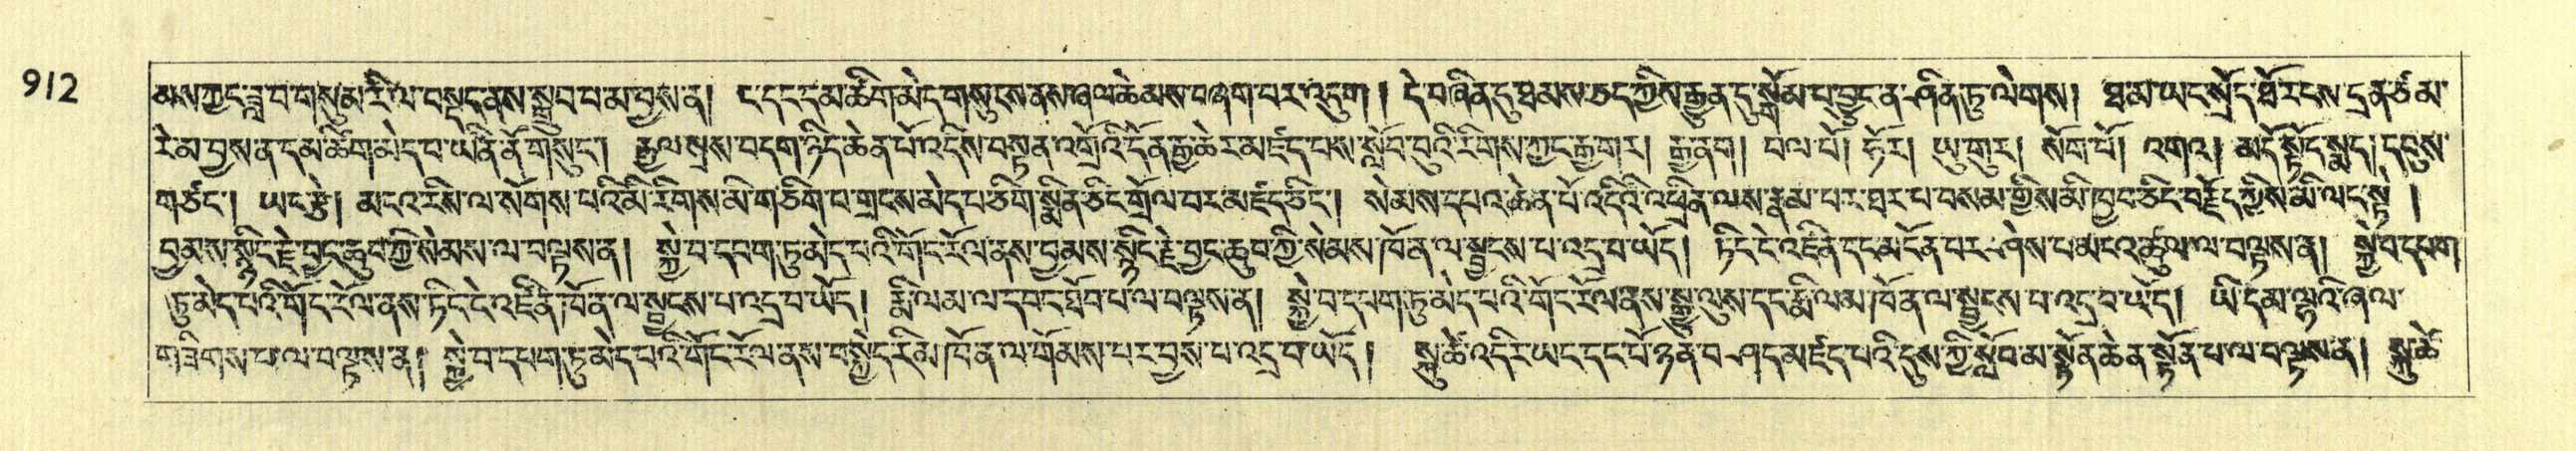མས་ཀྱང་ཟླ་བ་གསུམ་རི་ལ་བསྡད་ནས་སྒྲུབ་པ་མ་བྱས་ན། ང་དང་དམ་ཚིག་མེད་གསུངས་ནས་ཞལ་ཆེམས་བཞག་པར་འདུག། དེ་བཞིན་དུ་ཐམས་ཅད་ཀྱིས་རྒྱུན་དུ་སྒོམ་པ་བྱུང་ན་ཤིན་ཏུ་ལེགས། ཐ་མ་ཡང་སྲོད་ཐོ་རངས་དྲན་ཙམ་
རི་མ་བྱས་ན་དམ་ཚིག་མེད་པ་ཡིན་ནོ་གསུང་། རྒྱལ་སྲས་བདག་ཉིད་ཆེན་པོ་འདིས་བསྟན་འགྲོའི་དོན་རྒྱ་ཆེར་མཛད་པས་སློབ་བུའི་རིགས་ཀྱང་རྒྱ་གར། རྒྱ་ནག། བལ་པོ། ཧོར། ཡུ་གུར། སོག་པོ། འགའ། མདོ་སྟོད་སྨད། དབུས་
གཙང་། ཡང་རྩེ། མངའ་རིས་ལ་སོགས་པའི་མི་རིགས་མི་གཅིག་པ་གྲངས་མེད་པ་ཅིག་སྨིན་ཅིང་གྲོལ་བར་མཛད་ཅིང་། སེམས་དཔའ་ཆེན་པོ་འདིའི་འཕྲིན་ལས་རྣམ་པར་ཐར་པ་བསམ་གྱིས་མི་ཁྱབ་ཅིང་བརྗོད་ཀྱིས་མི་ལང་སྟེ།
བྱམས་སྙིང་རྗེ་བྱང་ཆུབ་ཀྱི་སེམས་ལ་བལྟས་ན། སྐྱེ་བ་དབག་ཏུ་མེད་པའི་གོང་རོལ་ནས་བྱམས་སྙིང་རྗེ་བྱང་ཆུབ་ཀྱི་སེམས་ཁོན་ལ་སྦྱངས་པ་འདྲ་བ་ཡོད། ཏིང་ངེ་འཛིན་དང་མངོན་པར་ཤེས་པ་མངའ་ཚུལ་ལ་བལྟས་ན། སྐྱེ་བ་དཔག་
ཏུ་མེད་པའི་གོང་རོལ་ནས་ཏིང་ངེ་འཛིན་ཁོ་ན་ལ་སྦྱངས་པ་འདྲ་བ་ཡོད། རྨི་ལམ་ལ་དབང་ཐོབ་པ་ལ་བལྟས་ན། སྐྱེ་བ་དཔག་ཏུ་མེད་པའི་གོང་རོལ་ནས་སྒྱུ་ལུས་དང་རྨི་ལམ་ཁོ་ན་ལ་སྦྱངས་པ་འདྲ་བ་ཡོད། ཡི་དམ་ལྷའི་ཞལ་
གཟིགས་པ་ལ་བལྟས་ན། སྐྱེ་བ་དཔག་ཏུ་མེད་པའི་གོང་རོལ་ནས་བསྐྱེད་རིམ་ཁོན་ལ་གོམས་པར་བྱས་པ་འདྲ་བ་ཡོད། སྐུ་ཚེ་འདིར་ཡང་དང་པོ་ཉན་བཤད་མཛད་པའི་དུས་ཀྱི་སློབ་མ་སྟོན་ཆེན་སྟོན་པ་ལ་བལྟས་ན། སྐུ་ཚེ་